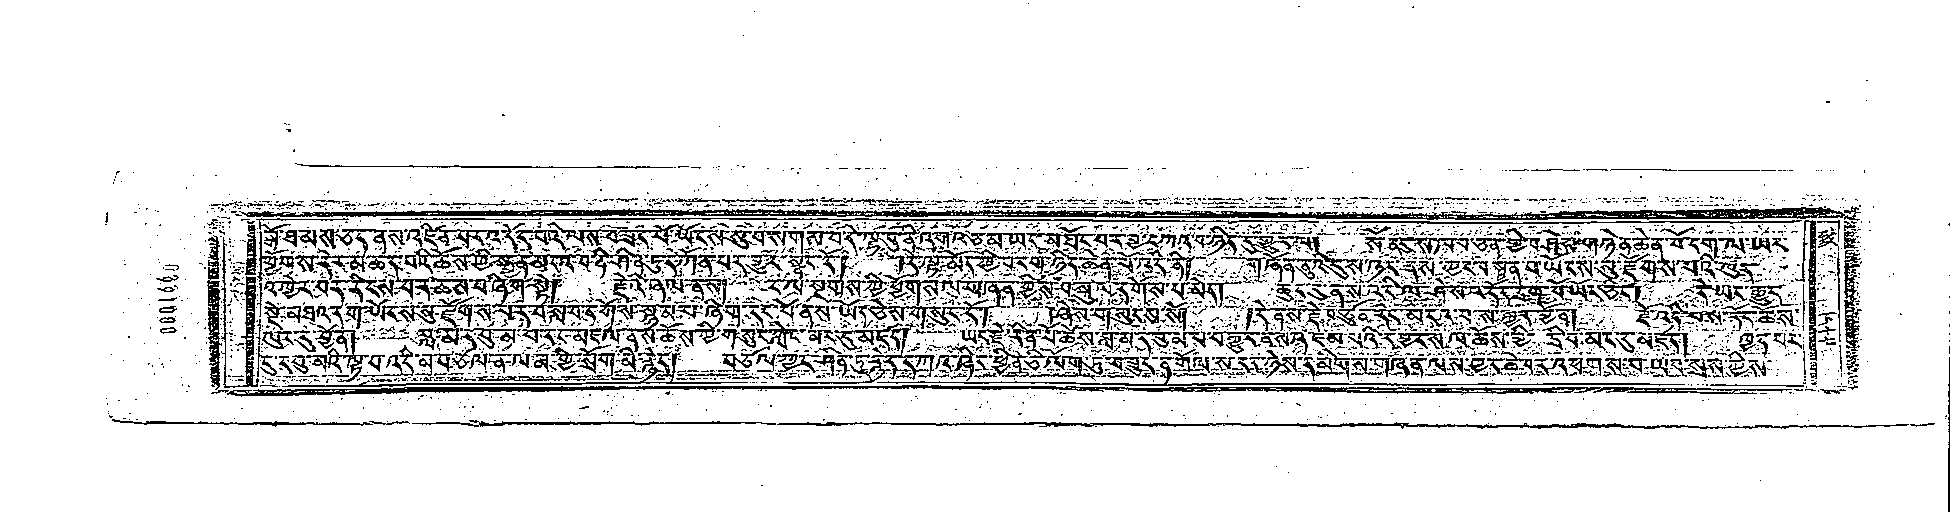སྒོ་ཐམས་ཅད་ནས་འཛིན་པར་འདོད་པའི་ལས་བཟང་པོ་ཡོངས་སུ་བསགས་པ་དེ་ལྟ་བུ་ནི་འགའ་ཙམ་ཡང་མཐོང་བར་བྱ་དཀའ་བ་ཉིད་དུ་གྱུར་ལ། སོན་དུ་ས་ཁ་བ་ཅན་གྱི་བཤེས་གཉེན་ཆེན་པོ་དག་ལ་ཡང་
ཕྱོགས་རེར་མ་ཆད་བའི་ཆོས་ཀྱི་སྤྱན་མདའ་བ་ནི་ཤིན་ཏུ་དཀོན་པར་བྱུང་སྣང་ངོ། །དེ་ལྟ་མོད་ཀྱི་བདག་ཉིད་ཆེན་པོ་འདི་ནི། གཞོན་ནུའི་དུས་ཉིད་ནས་ཀྱང་བསྟན་པ་ཡོངས་སུ་རྫོགས་པའི་ཁུར་
འཁྱེར་བར་རིངས་བར་ཆས་བཞིག་སྟེ། རྗེའི་ཞལ་ནས། ང་ལས་སྔགས་ཀྱི་ཕྱོགས་ལ་གཞན་གྱིས་བསྐུལ་དགོས་པ་མེད། ཆུང་དུ་ནས་འདི་ལ་ཤེས་འདོད་དྲག་པོ་ཡོང་ཅིང་། དེ་ཡང་རྒྱུད་
སྡེ་མཐའ་དག་ཡོངས་སུ་རྫོགས་པར་བསླབ་དགོས་སྙམ་པ་ཞིག་དང་པོ་ནས་ཡོད་ཅེས་གསུང་ངོ། །ཞེས་གསུངས་སོ། །དེ་ནས་རྗེ་བཙུན་རེང་མདའ་བ་ས་སྐྱར་བྱོན། རྗེ་འདི་བས་རོང་ཆོས་
ལུང་དུ་བྱོན། བླ་མེ་དབུ་མ་པ་དང་མཇལ་ནས་ཆོས་ཀྱི་གསུང་གླེང་མང་དུ་མཛད། ཡང་རྗེ་རིན་པོ་ཆེས་བླ་མ་དབུ་མ་པ་བརྒྱུད་ནས་འཇམ་པའི་དབྱངས་ལ་ཆོས་བྱིས་དྲི་བ་མང་དུ་མཛད། ཁྱད་པར་
དུ་དབུ་མའི་ལྟ་བ་འདི་མ་བཙལ་ན་ལམ་གྱི་སྲོག་མི་རྙེད། བཙལ་ཀྱང་ཤིན་ཏུ་རྙེད་དཀའ་ཞིང་ཕྱིན་ཅི་ལོག་ཏུ་བཟུང་ན་གོལ་ས་དང་ཉེས་དམིགས་གཞན་ལས་ཀྱང་ཆེ་བར་འཕགས་པ་ཡབ་སྲས་ཀྱིས་